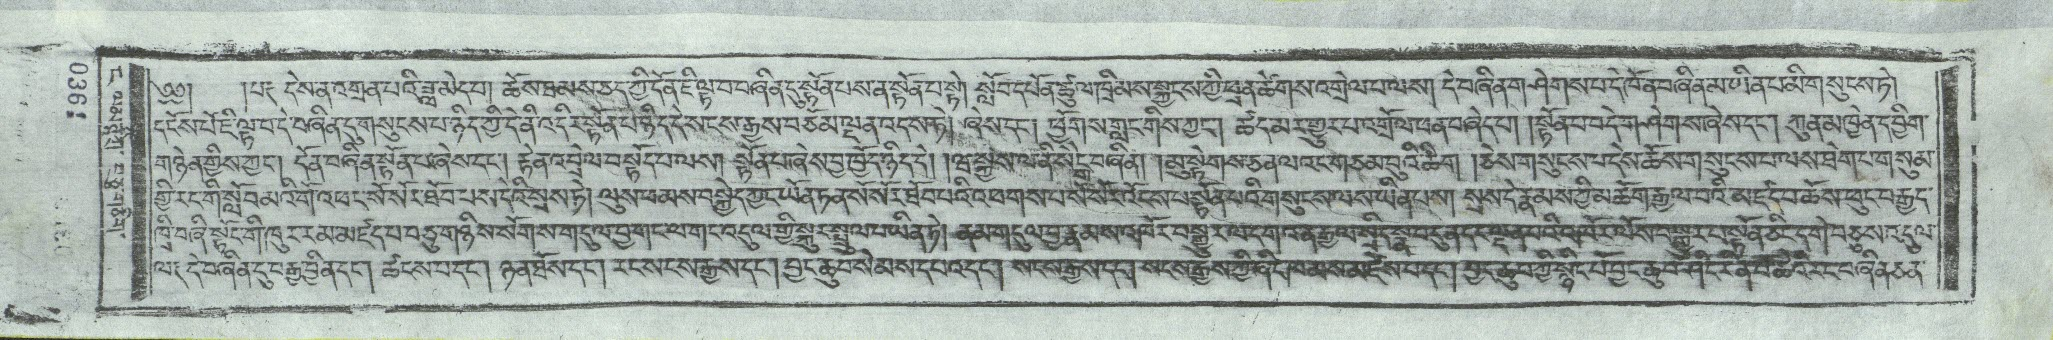༄༅། །པ༑ དེས་ན་འགྲན་པའི་ཟླ་མེད་པ། ཆོས་ཐམས་ཅད་ཀྱི་དོན་ཇི་ལྟ་བ་བཞིན་དུ་སྟོན་པས་སྟོན་པ་སྟེ། སློབ་དཔོན་ཚུལ་ཁྲིམས་སྐྱངས་ཀྱི་ཕྲན་ཚེགས་འགྲེལ་པ་ལས། དེ་བཞིན་གཤེགས་པ་དེ་ཁོ་ན་བཞིན་མ་ཡིན་པ་མི་གསུངས་ཏེ།
དངོས་པོ་ཇི་ལྟ་བ་དེ་བཞིན་དུ་གསུངས་པ་ཉིད་ཀྱི་དེ་ནི་འདིར་སྟོན་པ་ཉིད་དེ་སངས་རྒྱས་བཅོམ་ལྡན་འདས་ཏེ། ཞེས་དང་། ཕྱོགས་གླང་གིས་ཀྱང་། ཚང་མར་གྱུར་པ་འགྲོ་ལ་ཕན་བཞེད་པ། །སྟོན་པ་བདེ་གཤེགས་ཞེས་དང་། ཀུན་མཁྱེན་དབྱིག་
གཉེན་གྱིས་ཀྱང་། དོན་བཞིན་སྟོན་པ་ཞེས་དང་། རྟེན་འབྲེལ་བསྟོད་པ་ལས། སྟོན་པ་ཞེས་བྱ་ཁྱོད་ཉིད་དེ། །ཝ་སྐྱེས་ལ་ནི་སེངྒེ་བཞིན། །མུ་སྟེགས་ཅན་ལའང་གཅམ་བུའི་ཚིག །ཅེས་གསུངས་པ་དེས་ཆོས་གསུངས་པ་ལས་ཐེག་པ་གསུམ་
གྱི་རང་གི་སློབ་མའི་གོ་འཕང་སོ་སོར་ཐོབ་པས་དེའི་སྲས་ཏེ། ལུས་ཁམས་བསྐྱེད་ཀྱང་ཡོན་ཏན་སོ་སོར་ཐོབ་པའི་འཕགས་པ་སོ་སོར་འོངས་པ་སྟོན་པའི་གསུངས་ལས་ཡིན་པས། སྲས་དེ་རྣམས་ཀྱི་མཆོག་རྒྱལ་བའི་མཛད་པ་ཆོས་ཕུང་བརྒྱད་
ཁྲི་བཞི་སྟོང་གི་ཁུར་རམ་མཛད་པ་བཅུ་གཉིས་སོགས་གདུལ་བྱ་གང་ལ་གང་འདུལ་གྱི་སྐུར་སྤྲུལ་པ་ཡིན་ཏེ། ནམ་གདུལ་བྱ་རྣམས་འཁོར་བསྒྱུར་ལ་དགའ་ན་རྒྱལ་སྲིད་སྣ་བདུན་དང་ལྡན་པའི་འཁོར་ལོས་བསྒྱུར་པ་སྟོན་ཅིང་དགེ་བཅུས་འདུལ་
ལ༑ དེ་བཞིན་དུ་བརྒྱ་བྱིན་དང་། ཚངས་པ་དང་། ཉན་ཐོས་དང་། རང་སངས་རྒྱས་དང་། བྱང་ཆུབ་སེམས་དཔའ་དང་། སངས་རྒྱས་དང་། སངས་རྒྱས་ཀྱི་ཞིང་ཁམས་མཛེས་པ་དང་། བྱང་ཆུབ་ཀྱི་སྙིང་པོ་བྱང་ཆུབ་ཤིང་རིན་པོ་ཆེའི་རང་བཞིན་ཅན་